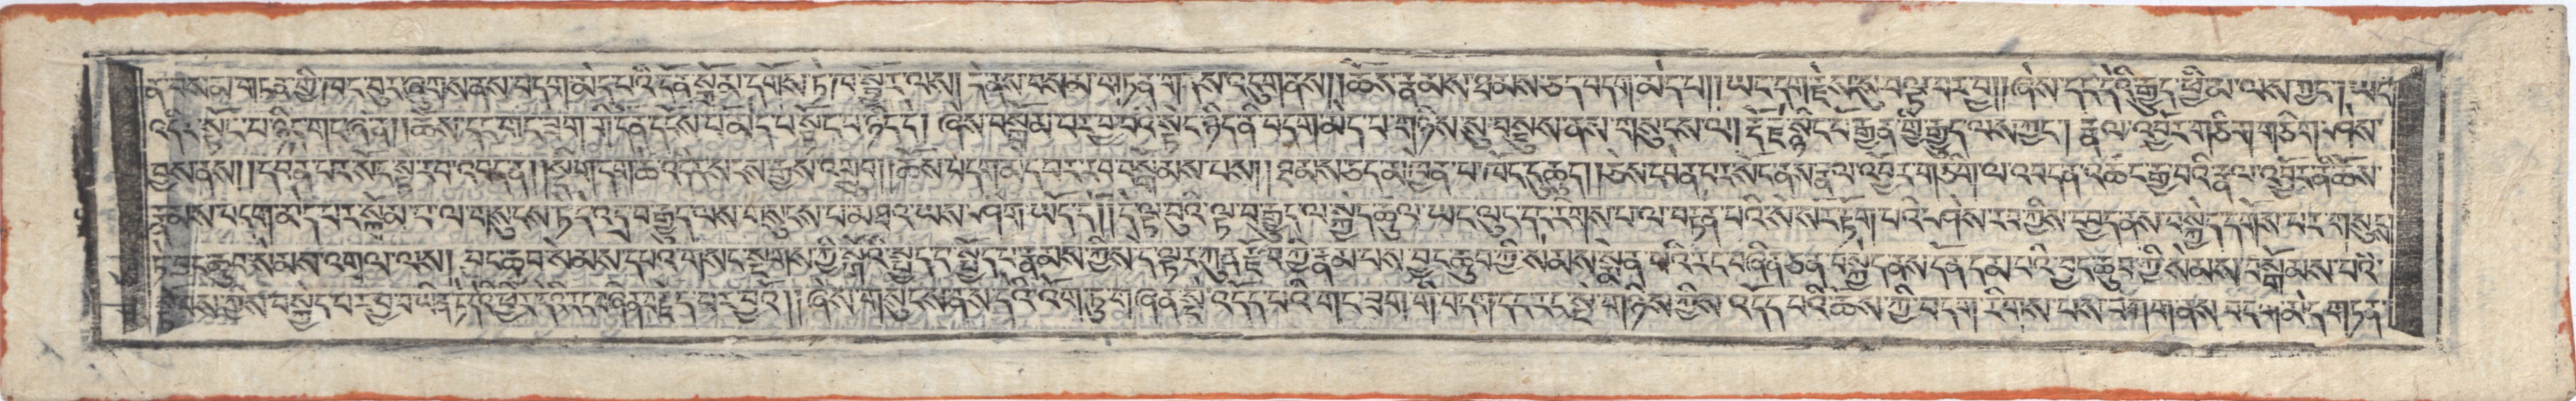ན་བསམ་གཏན་གྱི་ཁང་བུར་ཞུགས་ནས་བདག་མེད་པའི་དོན་སྒོམ་དགོས་ཏེ་ཁ་སྦྱོར་ལས། དེ་ནས་བསམ་གཏན་གནས་འདུག་ནས། །ཆོས་རྣམས་ཐམས་ཅད་བདག་མེད་པ། །ཡང་དག་རྗེས་སུ་བལྟ་བར་བྱ། །ཞེས་དང་དེའི་རྒྱུད་ཕྱི་མ་ལས་ཀྱང་། ཡང་
འདིར་སྟོང་པ་ཉིད་གང་ཞེ་ན། །ཆོས་དང་གང་ཟག་གི་དོན་དངོས་པོ་མེད་པ་སྟོང་པ་ཉིད་དེ། ཞེས་བསྒོམ་པར་བྱ་བའི་སྟོང་ཉིད་ནི་བདག་མེད་པ་གཉིས་སུ་བསྡུས་ནས་གསུངས་ལ། རྡོ་རྗེ་སྙིང་པོ་རྒྱན་གྱི་རྒྱུད་ལས་ཀྱང་། རྣལ་འབྱོར་གཅིག་གཅིག་ཤེས་
བྱས་ནས། །དབེན་པར་སོང་སྟེ་རབ་འབད་ན། །སྡིག་དག་ཚེ་འདིར་སངས་རྒྱས་འགྲུབ། །ཆོས་བདག་མེད་པར་རབ་བསྒོམས་པས། །ཐམས་ཅད་མཁྱེན་པ་ཁོང་དུ་ཆུད། །ཅེས་དབེན་པར་སོང་ནས་རྣལ་འབྱོར་གཅིག་ལ་འབད་ན་འཚང་རྒྱ་བའི་རྣལ་འབྱོར་ནི་ཆོས་
རྣམས་བདག་མེད་པར་སྒོམ་པ་ལ་གསུངས་ཏེ་དེ་འདྲ་བ་རྒྱུད་ལས་གསུངས་པ་མཐའ་ཡས་ཤིག་ཡོད་དོ། །དེ་ལྟ་བུའི་ལྟ་བ་རྒྱུད་ལ་སྐྱེད་ཚུལ་ཡང་ལུང་དང་རིགས་པ་ལ་བརྟེན་པའི་སོ་སོར་རྟོག་པའི་ཤེས་རབ་ཀྱིས་དཔྱད་ནས་བསྐྱེད་དགོས་པར་གསུངས་
ཏེ་བྱང་ཆུབ་སེམས་འགྲེལ་ལས། བྱང་ཆུབ་སེམས་དཔའ་གསང་སྔགས་ཀྱི་སྒོའི་སྤྱད་པ་སྤྱོད་པ་རྣམས་ཀྱིས་དེ་ལྟར་ཀུན་རྫོབ་ཀྱི་རྣམ་པས་བྱང་ཆུབ་ཀྱི་སེམས་སྨོན་པའི་རང་བཞིན་ཅན་བསྐྱེད་ནས་དོན་དམ་པའི་བྱང་ཆུབ་ཀྱི་སེམས་བསྒོམས་པའི་
སྟོབས་ཀྱིས་བསྐྱེད་པར་བྱ་བ་ཡིན་ཏེ་དེའི་ཕྱིར་དེའི་རང་བཞིན་བརྗོད་པར་བྱའོ། །ཞེས་གསུངས་ནས་དེའི་འོག་ཏུ་གཞན་སྡེ་འདོད་པའི་གང་ཟག་གི་བདག་དང་རང་སྡེ་གཉིས་ཀྱིས་འདོད་པའི་ཆོས་ཀྱི་བདག་རིགས་པས་བཀག་ནས་བདག་མེད་གཏན་